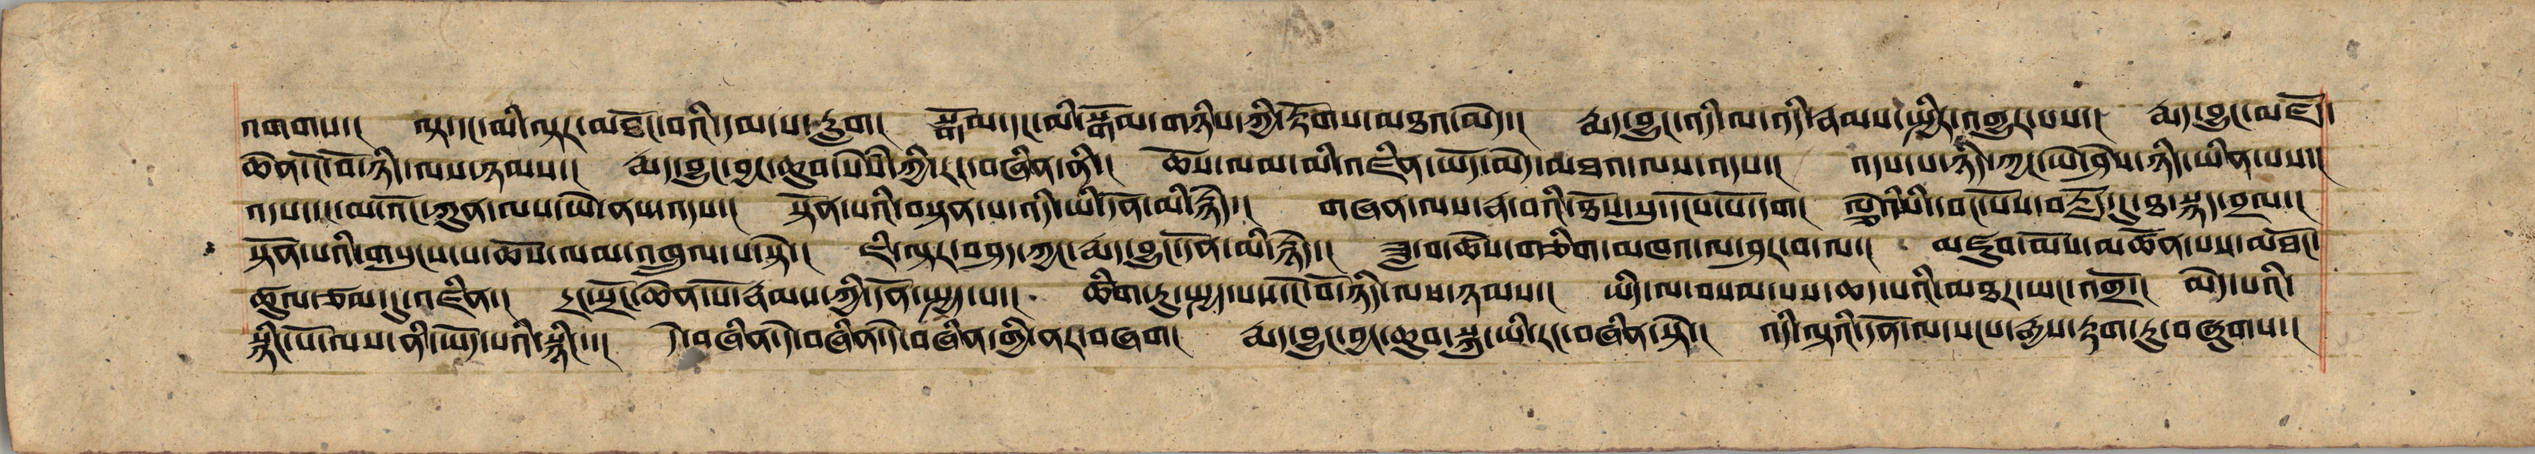འགགས་། ལྟ་དང་མི་ལྟར་མཐོང་བའི་དམ་པ་རླག། སྒོམ་དང་མི་སྒོམ་གཉིས་ཀྱི་རྟོགས་མཐའ་མེད་། རྨད་བྱུང་འདི་ལ་འདི་རྣམས་སྤྱིར་འགྱུར་པས་། རྨད་བྱུང་མཛོད་
ཆེན་ངོ་བོ་ཉིད་ལས་ཉམས་། རྨད་བྱུང་བྱང་ཆུབ་སེཾས་ཀྱི་རང་བཞིན་ནི་། ཆོས་ལམ་མི་འཛིན་ཡོད་མེད་མཐའ་ལས་འདས་། འདས་པ་ཉིད་ཀྱང་ཡེ་ཤེས་ཉིད་ཡིན་པས་།
འདས་པ་མ་འོང་ཀུན་ལས་ཡེ་ནས་འདས་། སྟོན་པའི་བསྟན་པ་འདི་ཡི་དོན་མི་རྙེད་། གཞན་ལས་རྣ་བའི་ཐོས་སུ་དངོས་པོ་དག། ལྕེ་ཡི་དབང་པོས་བརྗོད་དུ་ཐ་སྙད་བྲལ་།
སྟོན་པའི་གསུངས་པ་ཆོས་ལམ་འཁྲུལ་པ་སྟེ་། ཇི་ལྟར་བཤད་ཀྱང་རྨད་བྱུང་དོན་མི་རྙེད་། ཟླ་བ་ཚེས་གཅིག་མཁའ་ལ་ཤར་བ་ལ་། མཛུབ་མོས་མཚོན་པས་མཐོང་
ཚུལ་ཙམ་དུ་འཛིན་། དྲང་སྲོང་ཆེན་པོ་རྣམས་ཀྱི་དོན་སྤྱད་པ་། ཚིག་ཏུ་སྤྱད་པས་ངོ་བོ་ཉིད་ལས་ཉམས་། ཡིད་ལ་བསམ་པས་ཆད་པའི་མཐར་ཡང་འགྲོ་། མེད་པའི་
སྙིང་པོ་ལས་ནི་ཡོད་པའི་སྙིང་་། དེ་བཞིན་དེ་བཞིན་དེ་བཞིན་གྱི་ནར་བཞག། རྨད་བྱུང་བྱང་ཆུབ་སྐུ་ཡི་རང་བཞིན་སྟེ་། འདི་ལྟའི་དོན་ལ་སངས་རྒྱས་རྟག་ཏུ་བཞུགས་།